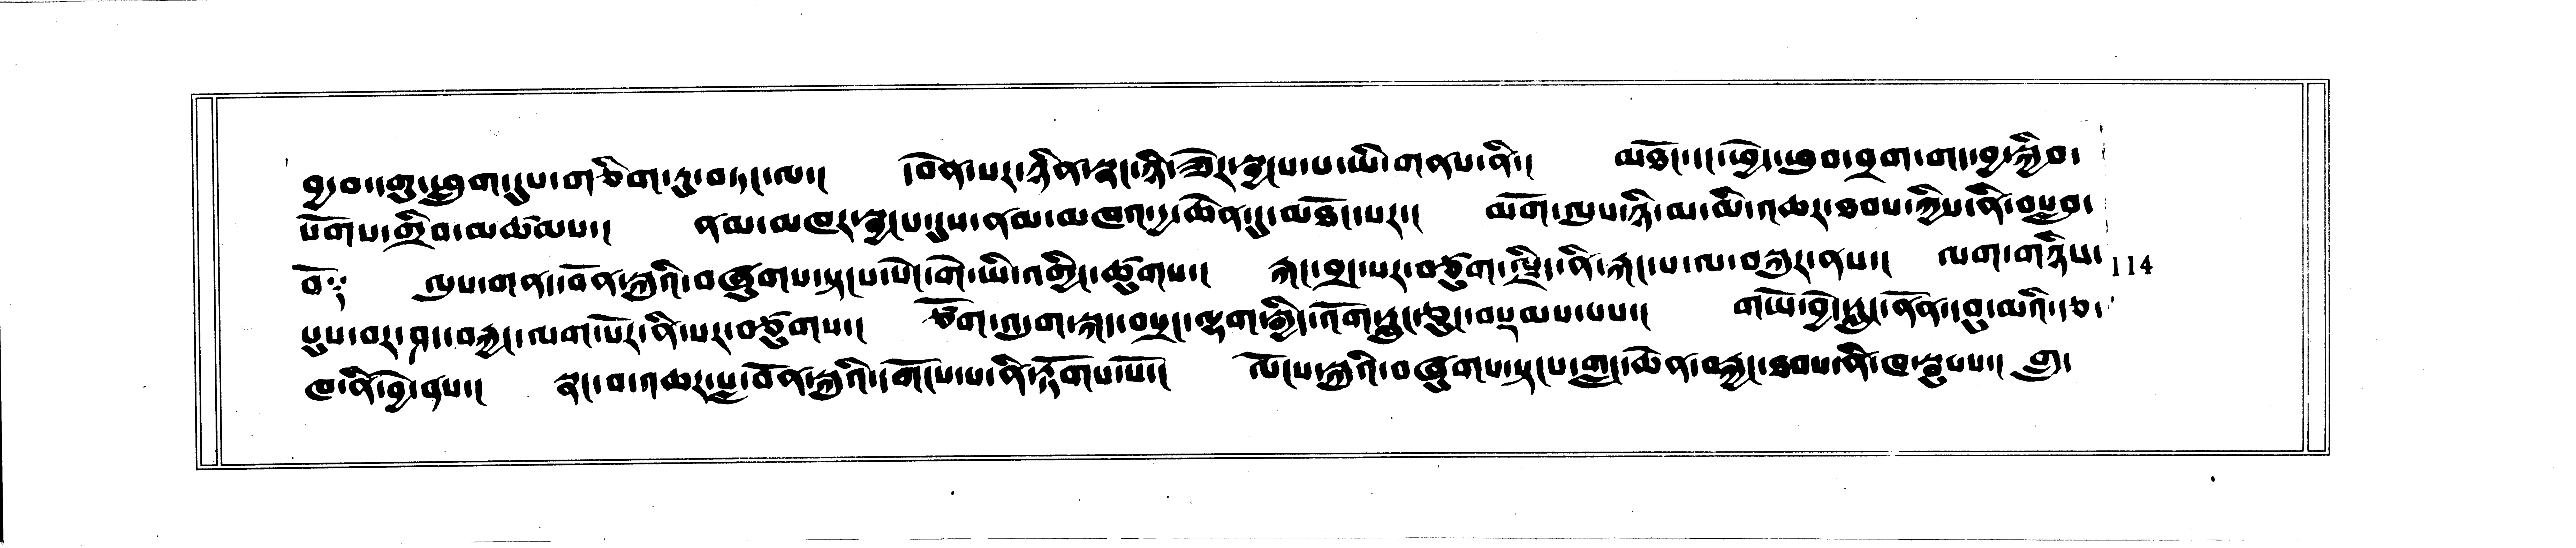བྱ་བ་དགུ་ཕྲུག་དུས་གཅིག་ཏུ་བཏང་ལ། །དབེན་པར་ཉིན་སྣང་ཉི་ཟེར་སྦྱངས་པ་མི་གནས་ནི། །མཐོང་དང་ཕྱེད་ཕུབ་བྲག་གད་བྱ་སྐྱིབ་
སོགས་གྲིབ་མཚམས། །ནམ་མཁར་སྦྱང་དུས་ནམ་མཁའ་རྒྱ་ཆེན་དུ་མཐོང་པར། །མགོ་ལུས་ཉི་མ་མི་འཆར་ཐབས་ཀྱིས་ནི་བསླབ་
བོ། །ལུས་གནད་བོན་སྐུའི་བཞུགས་སྟངས་སེང་གེ་ཡི་འགྱིང་ཚུགས། །རྐང་བྲད་སར་བཙུགས་ལྗིད་ནི་རྐང་པ་ལ་བཀུར་ནས། །ལག་གཉིས་
པུར་བར་ཤད་བརྐྱང་ལག་སོར་ནི་སར་བཙུགས། །ཙོག་འདུག་རྐེད་བསྲང་ལྷག་སྒྱིད་འོག་རླུང་ཅུང་བསྡམས་པས། །གཡོ་བྱེད་རླུང་གནོན་དབུ་མའི་རྩ་
ཁ་ནི་བྱེ་ནས། །སྣང་བ་འཆར་སླ་བོན་སྐུའི་དགོངས་པ་ནི་རྟོགས་སོ། །ལོངས་སྐུའི་བཞུགས་སྟངས་གླང་ཆེན་བརྐྱང་ཐབས་ནི་ཁ་སྦུབས། །གྲུ་